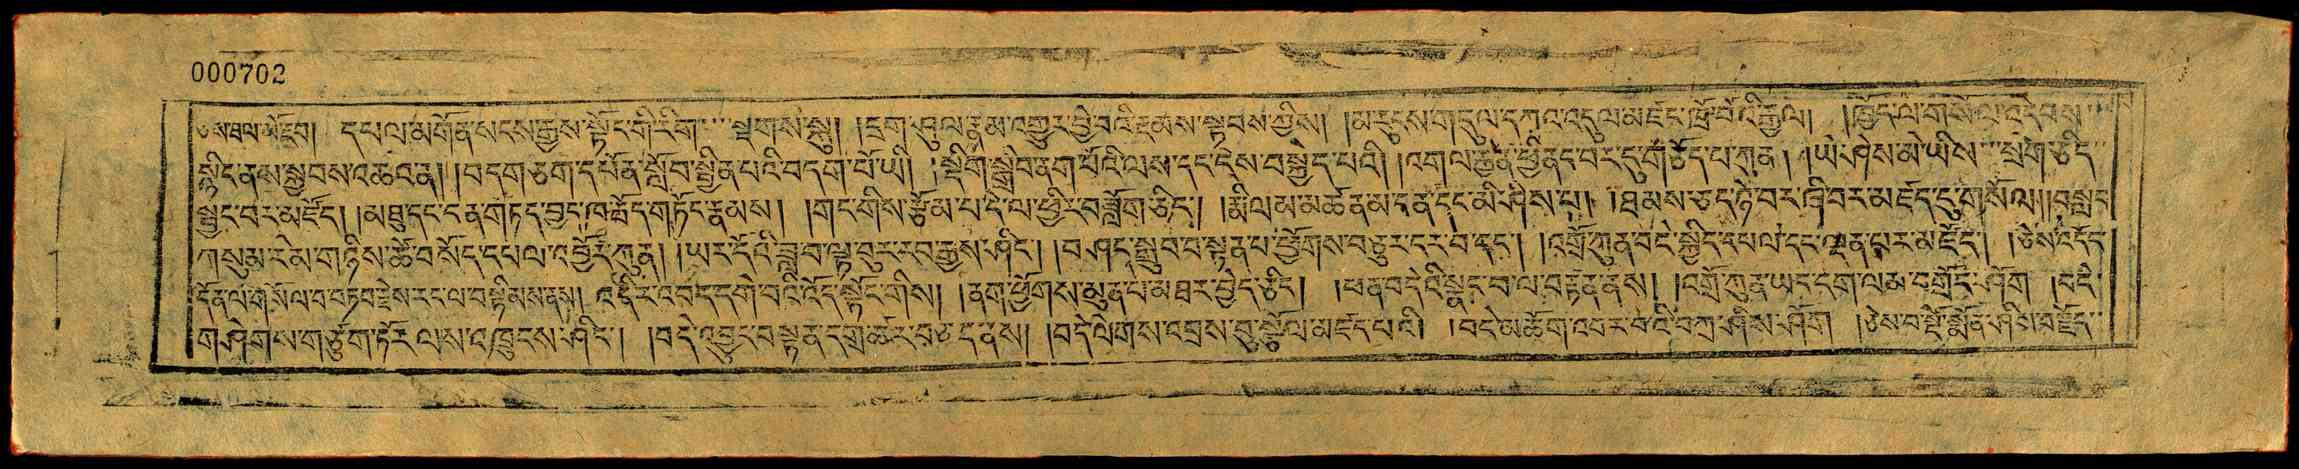ཅེས་ཐལ་མོ་རྡེབ།  དཔལ་མགོན་སངས་རྒྱས་སྟོང་གི་རིག་སྡགས་སྐུ། །དྲག་ཤུལ་རྣམ་འགྱུར་བྱེ་བའི་རྔམས་སྟབས་ཀྱིས། །མ་རུངས་གདུལ་དཀའ་འདུལ་མཛད་ཁྲོ་བོའི་རྒྱལ། །ཁྱོད་ལ་གསོལ་འདེབས་
སྙིང་ནས་སྐྱབས་འཆའ་ན། །བདག་ཅག་དཔོན་སློབ་སྦྱིན་པའི་བདག་པོ་ཡི། །སྡིག་སྒྲིབ་ནག་པོའི་ལས་དང་ངེས་བསྐྱེད་པའི། །འགལ་རྐྱེན་ཕྱི་ནང་བར་དུ་གཅོད་པ་ཀུན། །ཡེ་ཤེས་མི་ཡིས་སྲིག་ཅིང་
སྦྱང་བར་མཛོད། །མཐུ་དང་ངན་གཏད་བྱང་ཁ་རྦོད་གཏོང་རྣམས། །གང་གིས་རྩོམ་པ་དེ་ལ་ཕྱིར་བཟློག་ཅིང་། །རྨི་ལམ་མཚན་མ་ངན་རང་མི་ཤིས་པ། །ཐམས་ཅད་ཉེ་བར་ཞི་བར་མཛད་དུ་གསོལ། །བསླབ་
གསུམ་རིམ་གཉིས་ཚེ་བསོད་དཔལ་འབྱོར་ཀུན། །ཡར་ངོའི་ཟླ་བ་ལྟ་བུར་རབ་རྒྱས་ཤིང་། །བཤད་སྒྲུབ་བསྟན་པ་ཕྱོགས་བཅུར་དར་བ་དང་། །འགྲོ་ཀུན་བདེ་སྐྱིད་དཔལ་དང་ལྡན་པར་མཛོད། །ཅེས་འདོད་
དོན་ལ་གསོལ་བ་བཏབ་རྗེས་རང་ལ་བསྟིམས་ནས། འདིར་འབད་དགེ་བའི་འོད་སྟོང་གིས། །ནག་ཕྱོགས་མུན་པ་མཐར་བྱེད་ཅིང་། །ཕན་བདེའི་སྣང་བ་ལ་བརྟེན་ནས། །འགྲོ་ཀུན་ཡང་དག་ལམ་འགྲོད་ཤོག །བདེ་
གཤེགས་གཙུག་ཏོར་ལས་འཁྲུངས་ཤིང་། །བདེ་འབྱུང་བསྟན་དགྲ་ཚར་བཅད་ནས། །བདེ་ལེགས་འབྲས་བུ་སྩོལ་མཛད་པའི། །བདེ་མཆོག་འབར་བའི་བཀྲ་ཤིས་ཤོག །ཅེས་བསྔོ་སྨོན་ཤེས་བརྗོད་